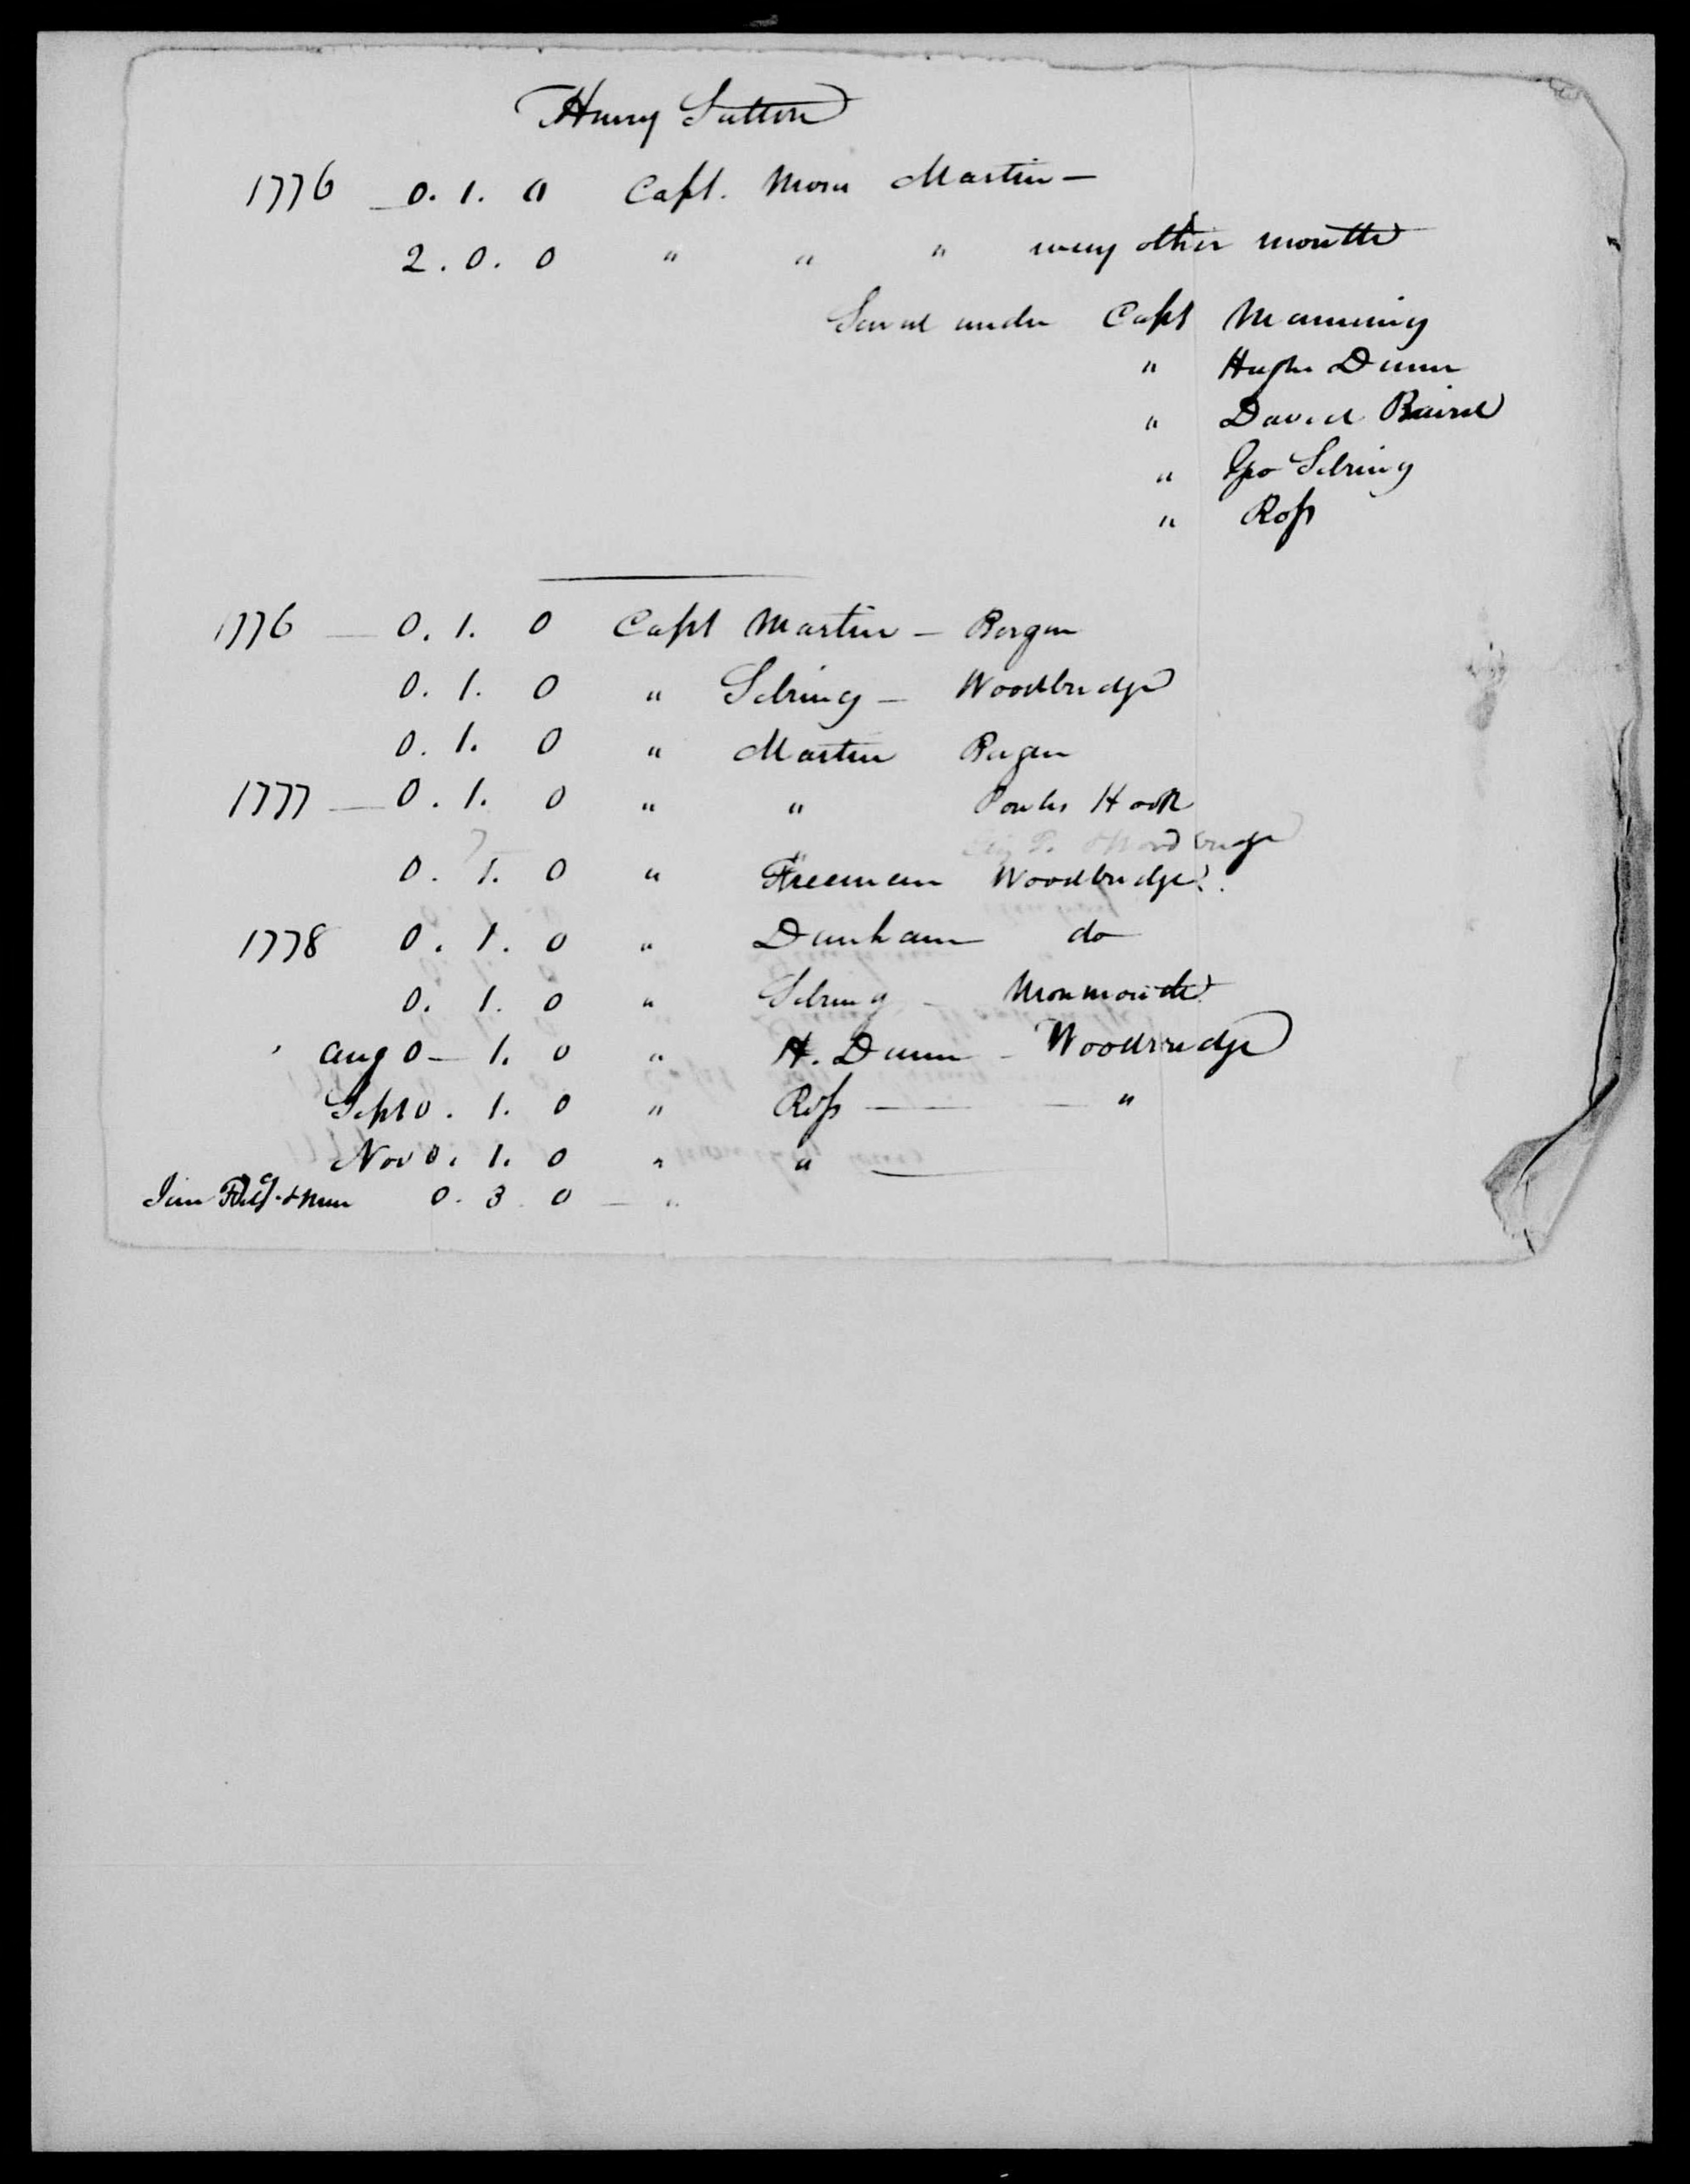Henry Sutton
1776    0.1.0  Capt. Morris Martin -
           2.0.0   Capt. Morris Martin every other month

Served under Capt.  Manning
                        Capt. Hugh Dunn
                        Capt. David Baird
                        Capt. Geo. Sebring
                        Capt. Ross

1776   0.1.0     Capt. Martin  - Bergen
           0.1.0     Capt.  Sebring - Woodbridge
           0.1.0      Capt. Martin  Bergen
1777   0.1.0      Capt. Martin  Powles Hook
           0.1.0      Capt. Freeman    Woodbridge
1778   0.1.0      Capt. Dunham    Woodbridge
           0.1.0      Capt. Sebring   Monmouth
    Aug 0.1.0      Capt. H. Dunn   Woodbridge
  Sept.  0.1.0     Capt. Ross     Woodbridge
    Nov  0.1.0     Capt. Ross  Woodbridge
Jan. Feb & Mar. 0.3.0 Capt. Ross Woodbridge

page: 19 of 33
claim: widow's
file: W. 5,665, for Stelle F Randolph, New Jersey